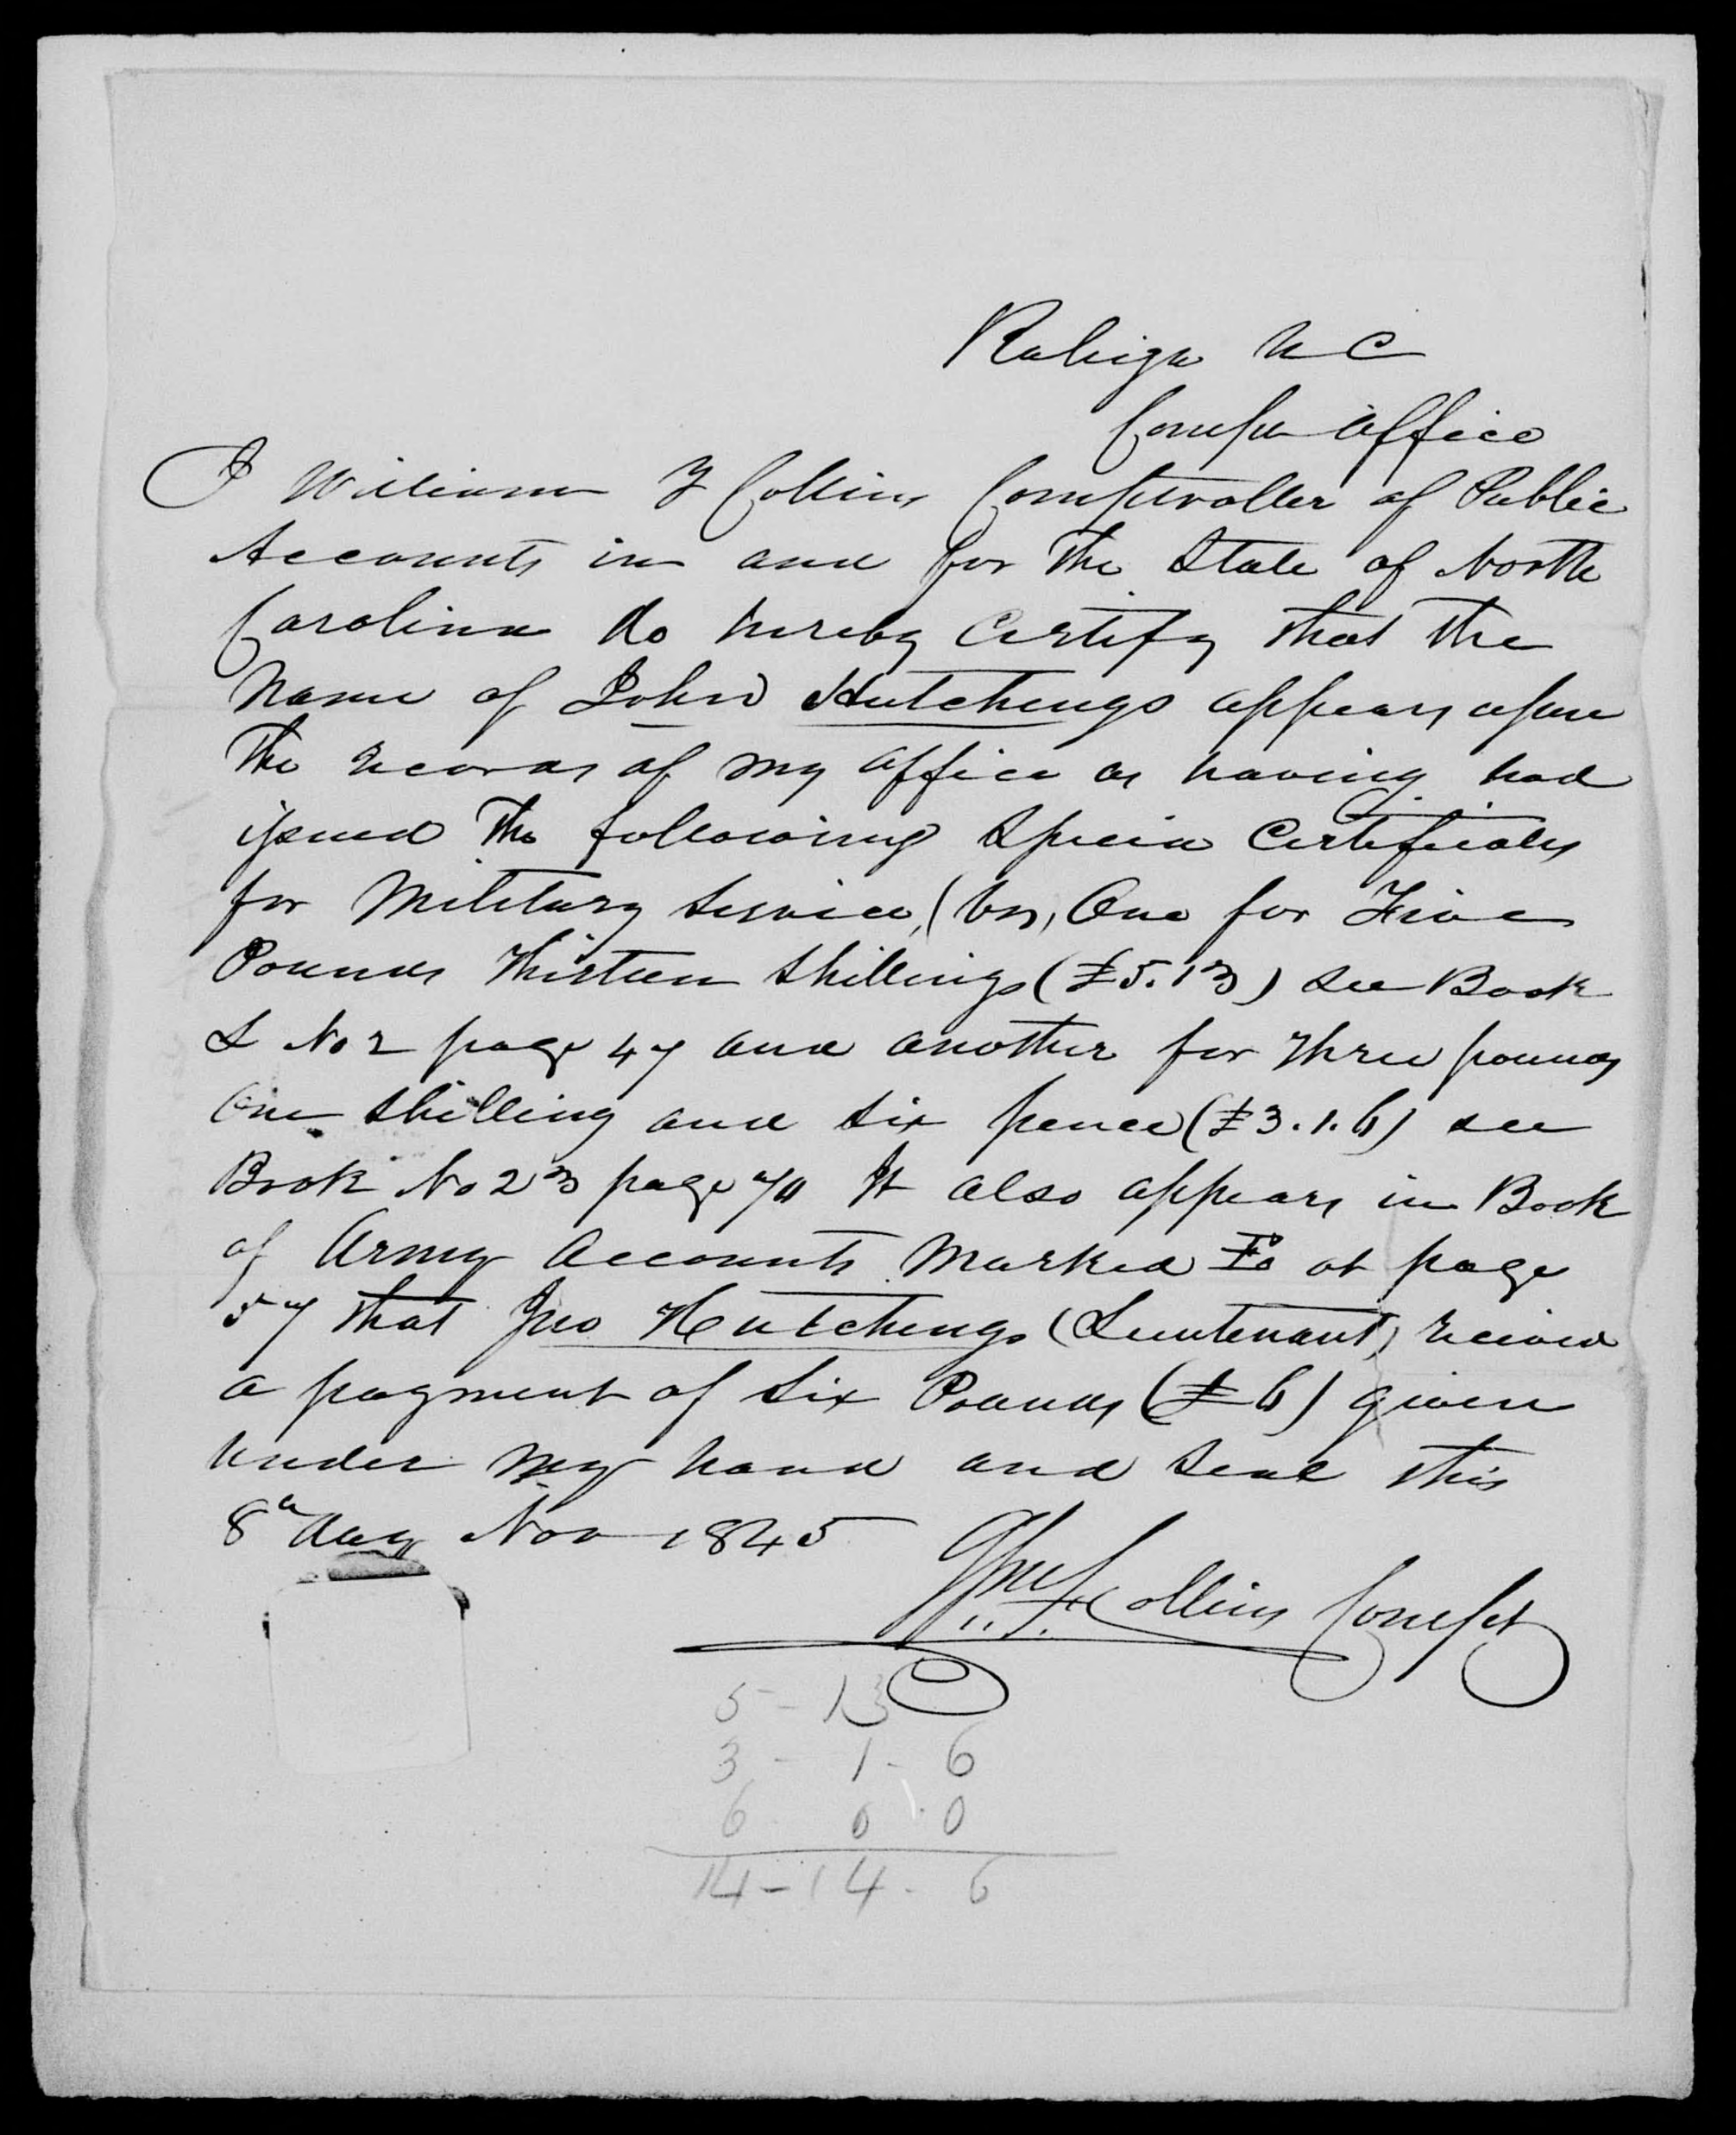Raleigh NC
Compr. Office

I William Y Collins Comptroller of Public Accounts in and for the State of North Carolina do hereby certify that the name of John Hutchings appears upon the [illegible] of my office as having had issued the following specia certificates for military service (One for Five Pounds Thirteen Shillings (5.13) see Book No 2 page 47 and another for three pounds one shilling and six pence (3.16) see Book No 23 page 70. It also appears in Book of Army accounts marked E at page 57 that Jno Hutchings (Lieutenant) received a payment of six pounds (6) given under my hand and seal this 8th Nov 1845. 
Wm Collins Compt

5 - 1
3 - 1 - 6
6 - 0 - 0
14 - 14 - 6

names: John Hutchings, William Y Collins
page: 47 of 108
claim: rejected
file: R. 7,515, John Hudgins, N.C.